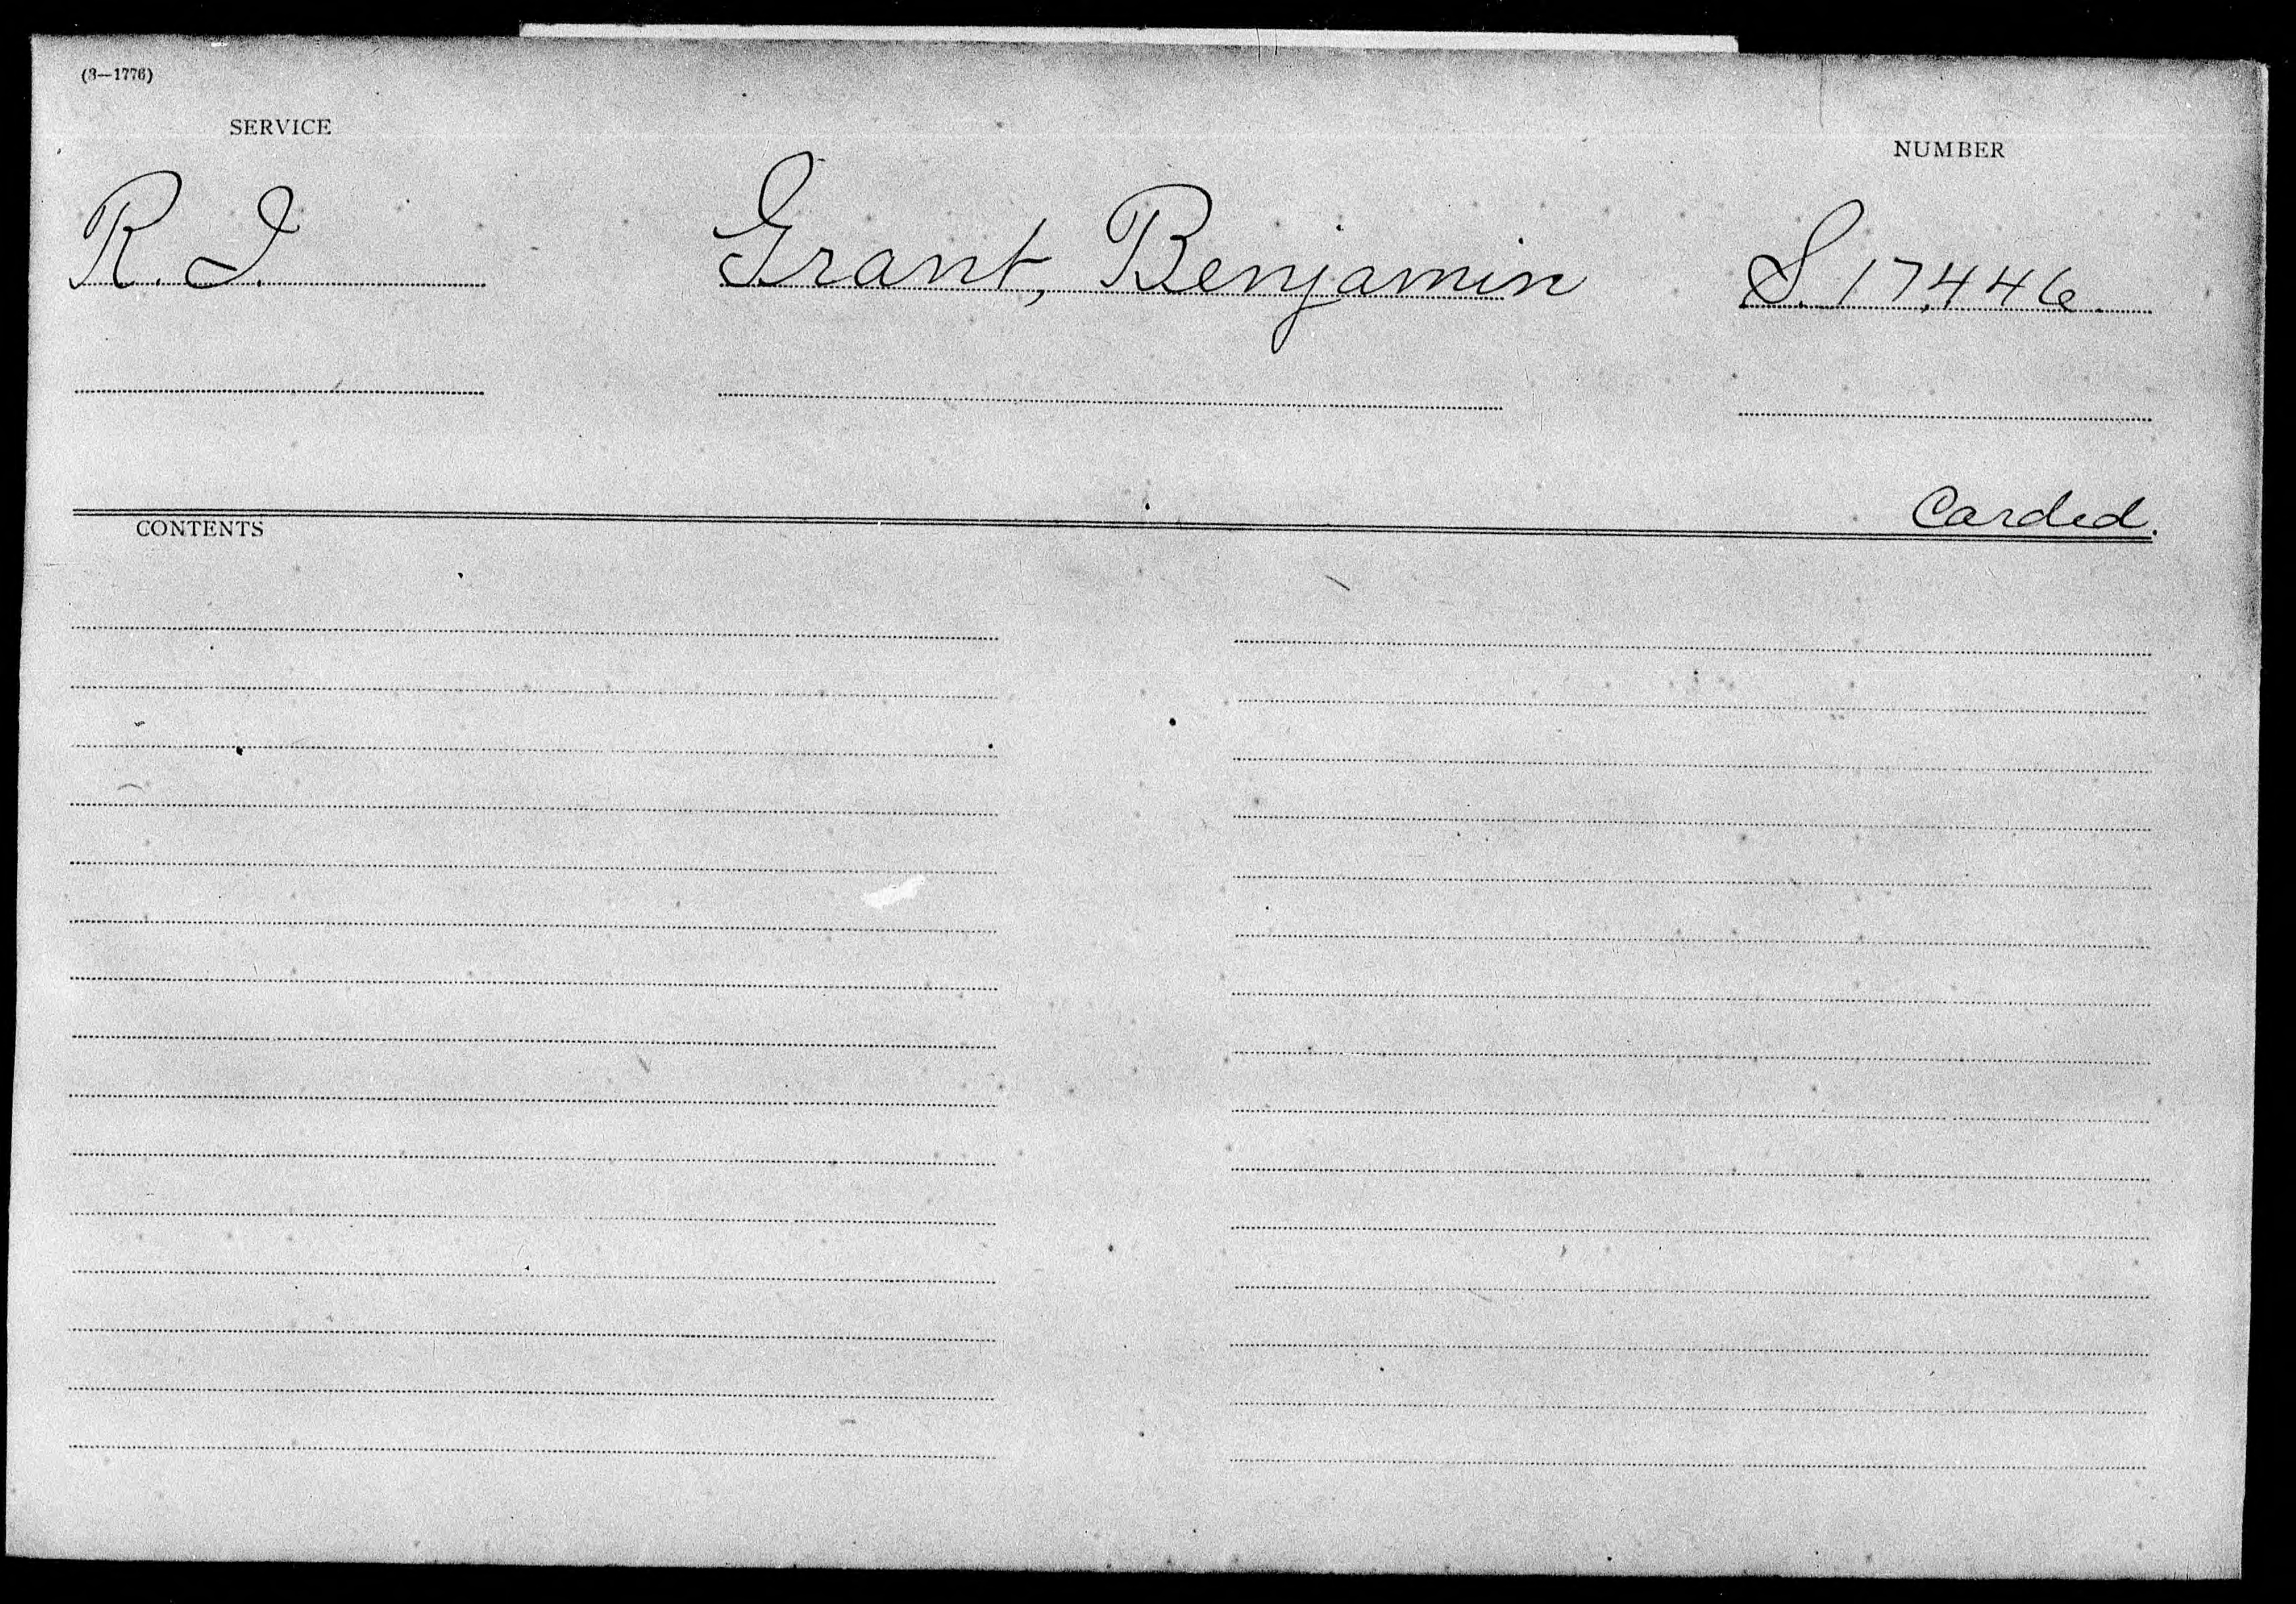(3-1776)

SERVICE
R.I.

Grant, Benjamin

NUMBER
S.17,446

Carded

CONTENTS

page: 1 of 21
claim: survivor's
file: S. 17,446, Benjamin Grant, R.I.